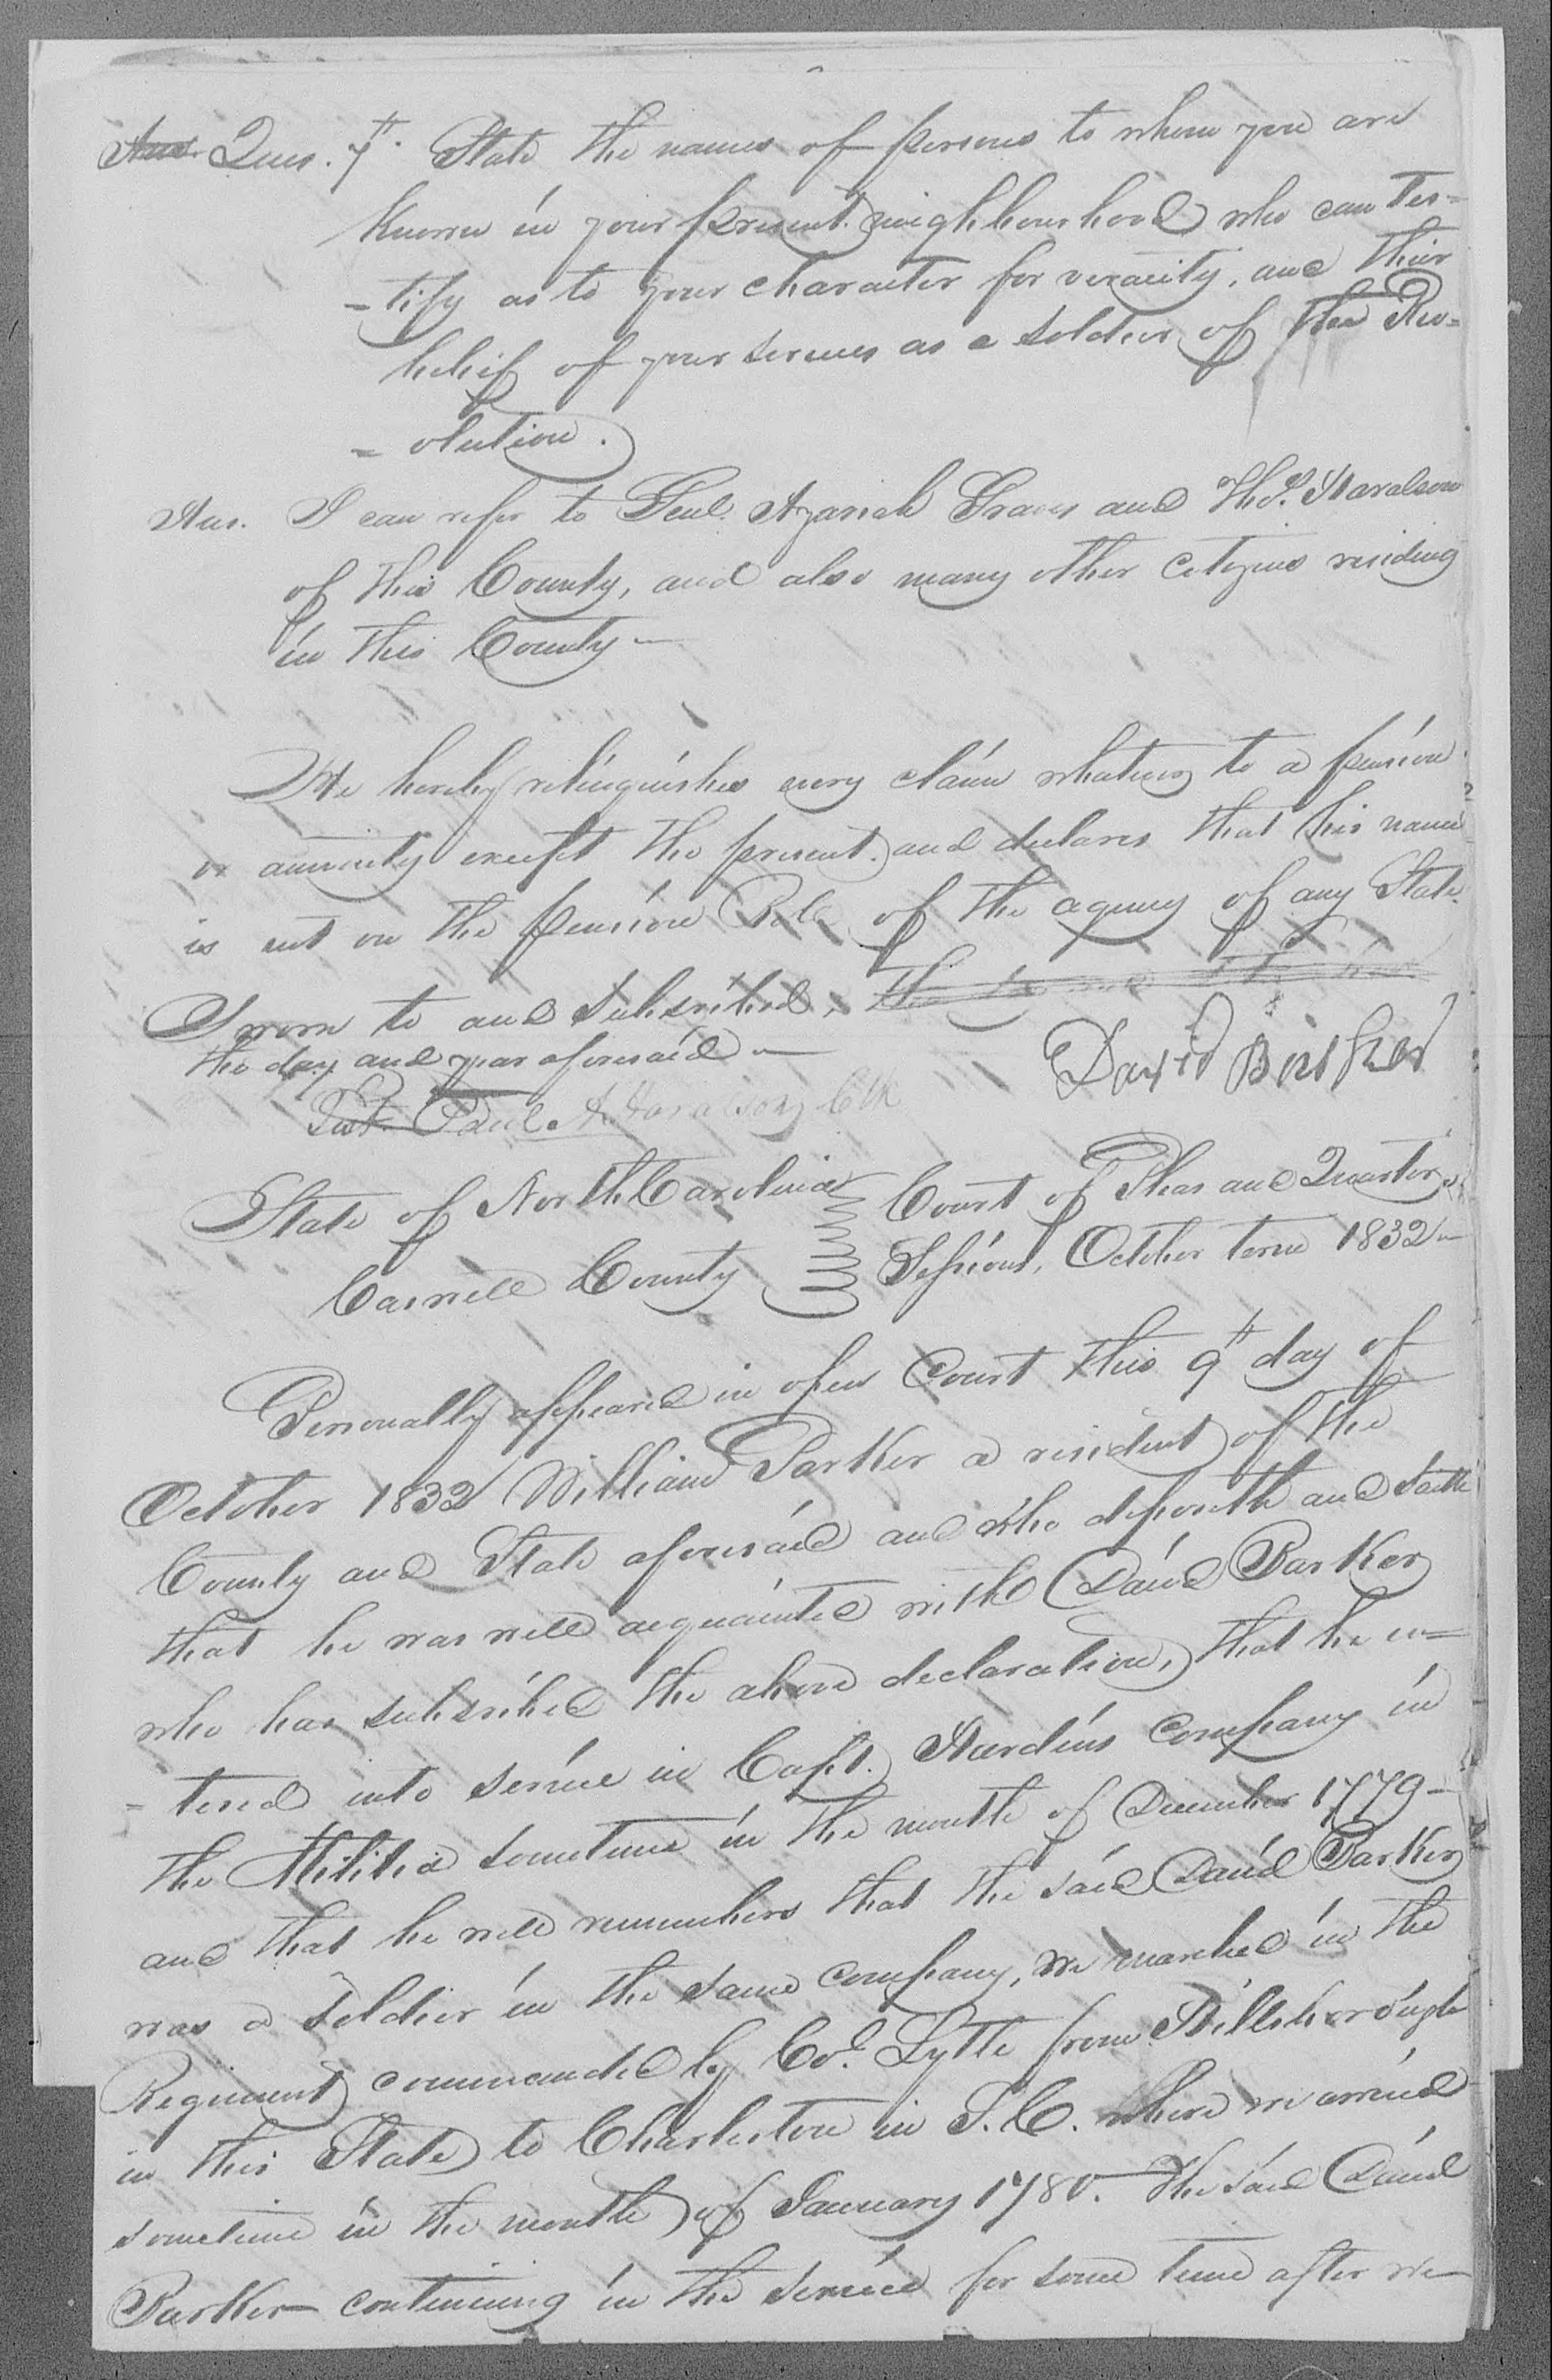Ques 7th State the names of persons to whom you are known in your present neighbourhood [neighborhood] who can testify as to your character for veracity and their belief in your services as a soldier in the revolution. 
Ans: I can refer to Genl [General] Azariah Graves and Thos [Thomas] Haralson of this County, and also many other citizens residing in this County. 
He hereby relinquishes every claim whatever to a pension or annuity except the present and declares that his name is not on the pension Roll of the agency of any State. 
Sworn to and subscribed the day and year aforesaid. 
David Barker
Test: Paul A. Haralson, Clk 

State of North Carolina} 
Caswell County} Court of Pleas and Quarter Sessions, October Term 1832 
Personally appeared in open Court this 9th day of October 1832 William Parker a resident of the County and State aforesaid and he deposeth and saith that he was well acquainted with David Barker who has subscribed the above declaration, that he entered into service in Capt [Captain] Hardin's company in the Militia sometime in the month of December 1779-- and that he well remembers that the said David Barker was a Soldier in the same company, we marched in the Regiment commanded by Col [Colonel] Lytle from Hillsborough in this State to Charleston in S. C. where we arrived sometime in the month of January 1780. The said David Barker continuing in the service for some time after we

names: Azariah Graves, Lytle, William Parker, David Barker, Thos Haralson, David Barker, Paul A Haralson, David Barker, David Barker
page: 10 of 23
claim: survivor's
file: S. 6560, David Barker, N.C.